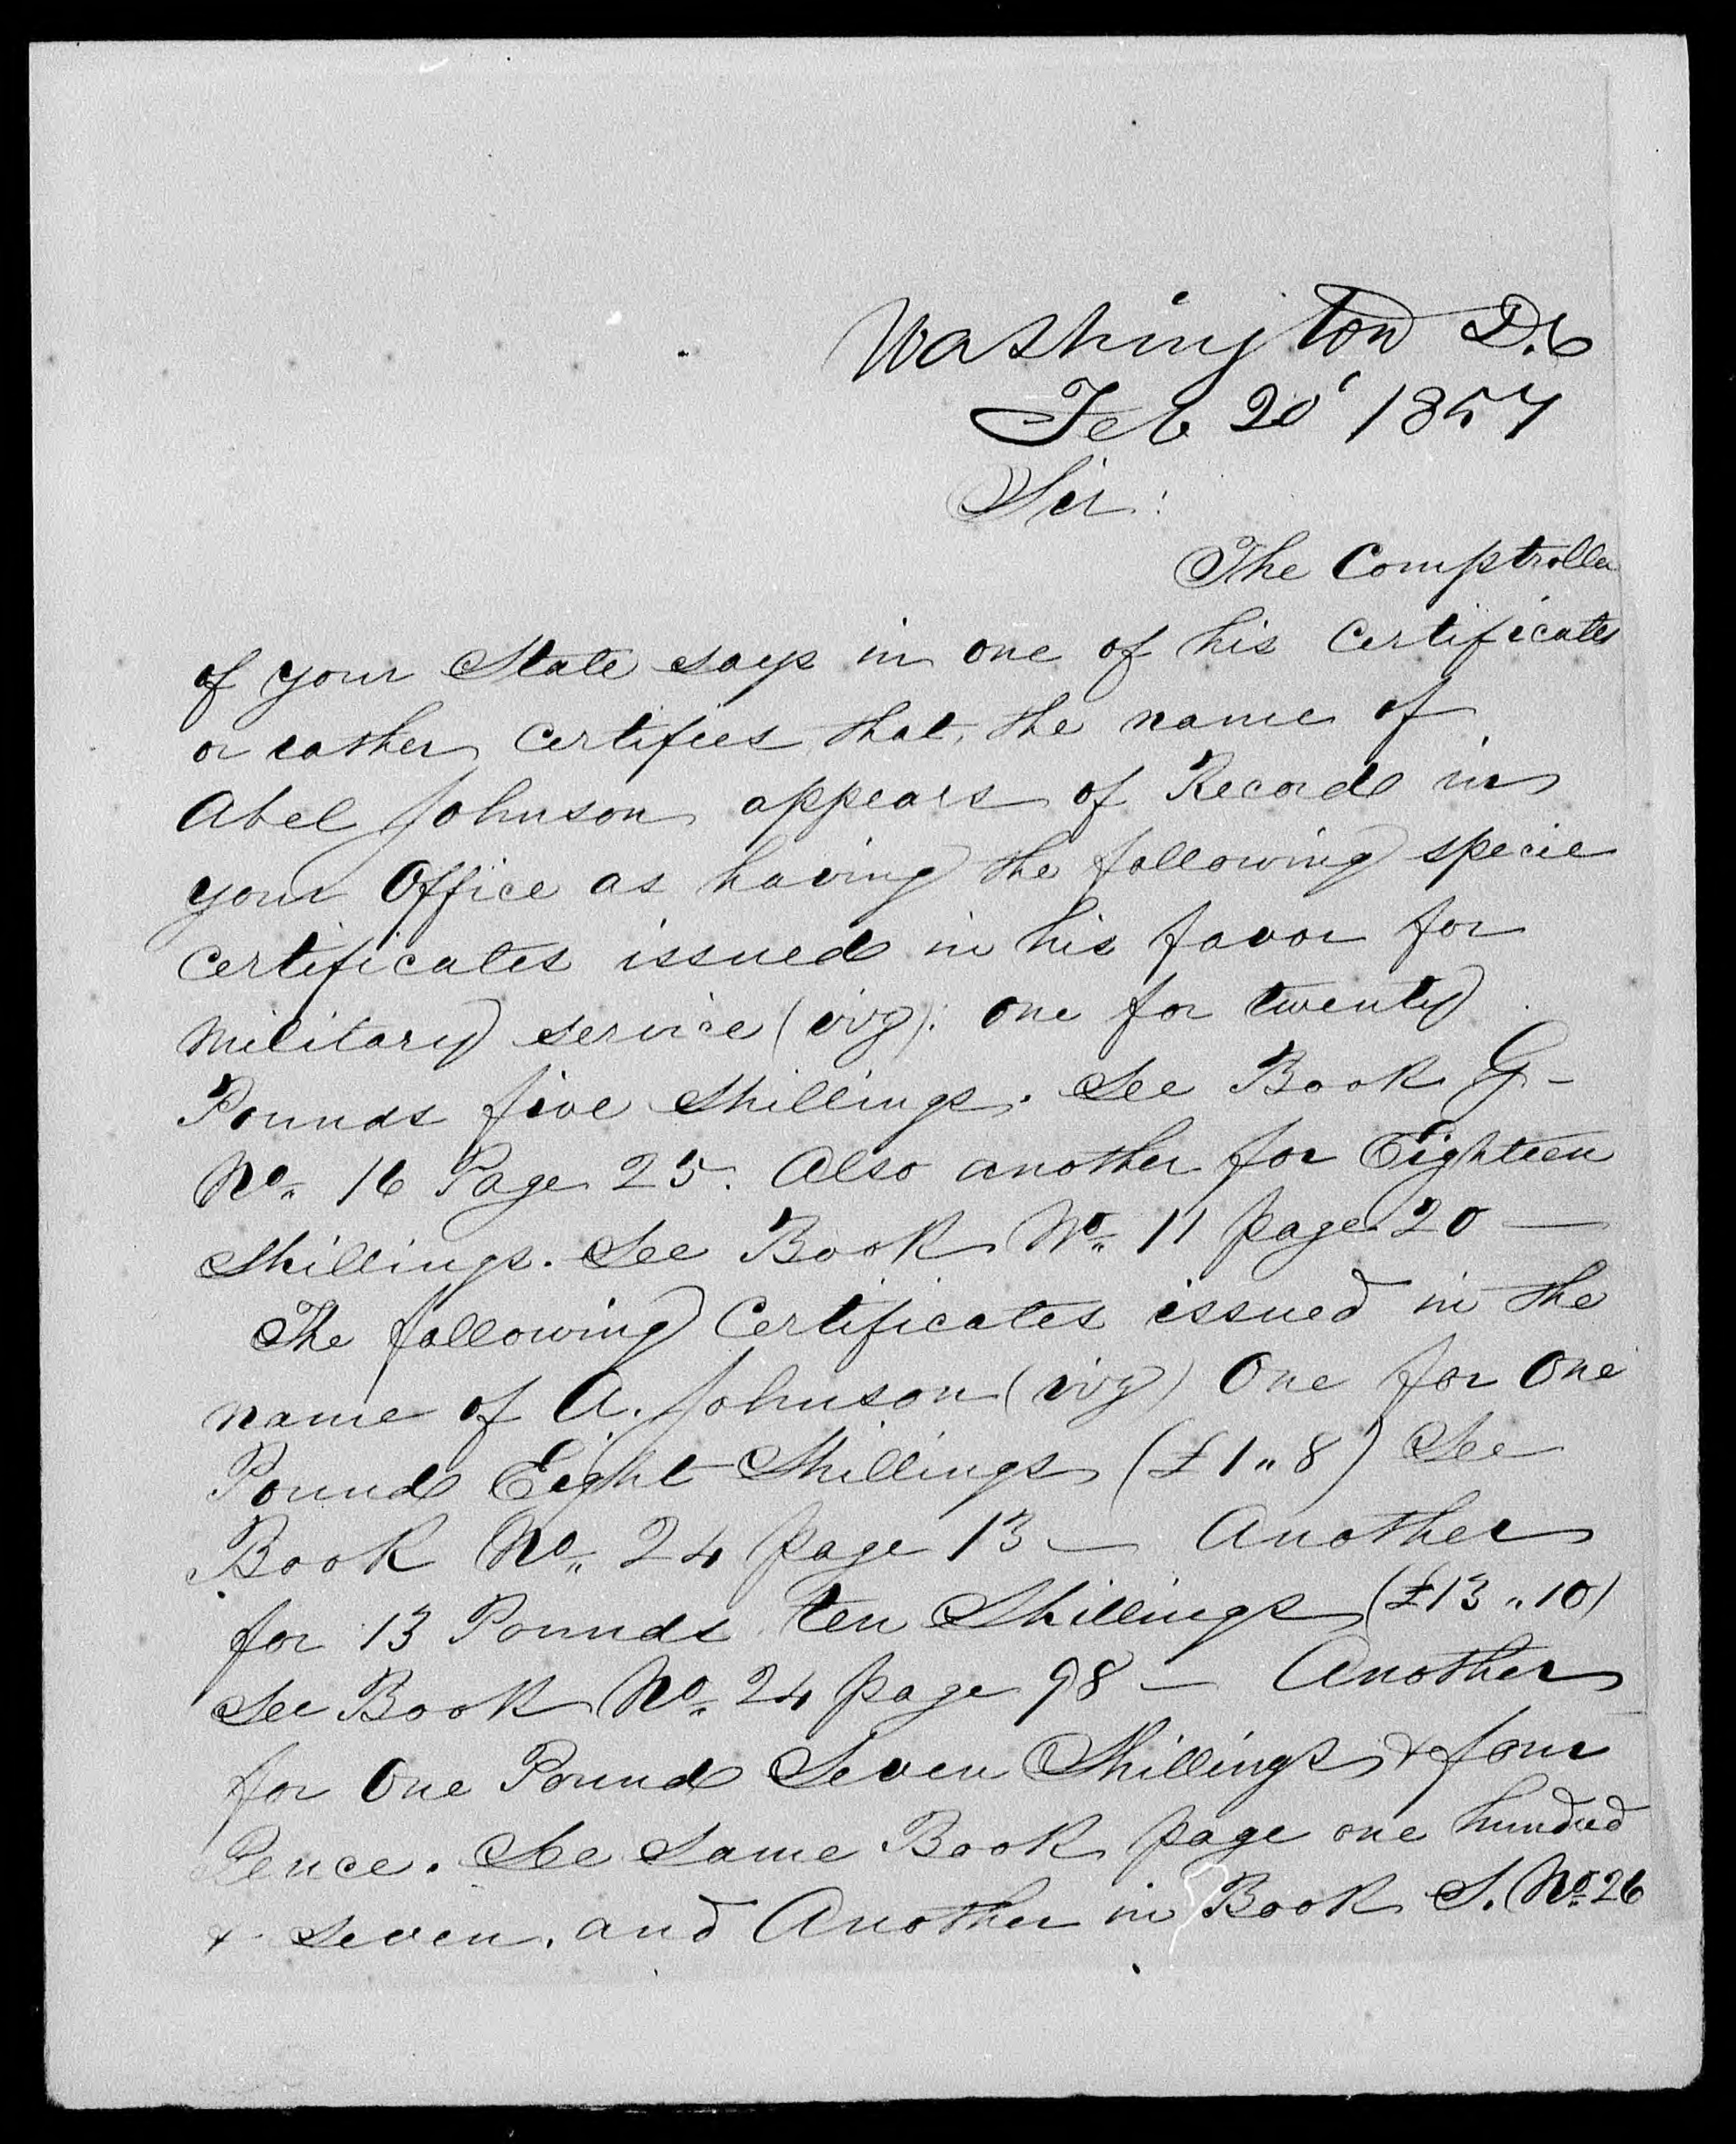Washington D.C. February 20, 1854 Sir, The Comptroller of your State says in one of his certificate or rather certifies that the name of Abel Johnson appears of records in your office as having the following specie certificate issued in his favor for military service (viz) one for twenty Pence, five Shillings. See Book G., No. 16, Page 25. Also another for eighteen Shillings. See Book No. 11, Page 20. The following certificates issued in the name of A. Johnson (viz) one for one Pound, eight Shillings (£1.8). See Book No. 24, Page 13. Another for 13 Pounds, ten Shillings (£13.10). See Book No. 24, Page 98. Another for one Pound, seven Shillings and four Pence. See same Book, Page one hundred and seven. And another in Book S. No. 26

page: 31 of 74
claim: rejected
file: R. 5600, for Abel Johnson, North Carolina